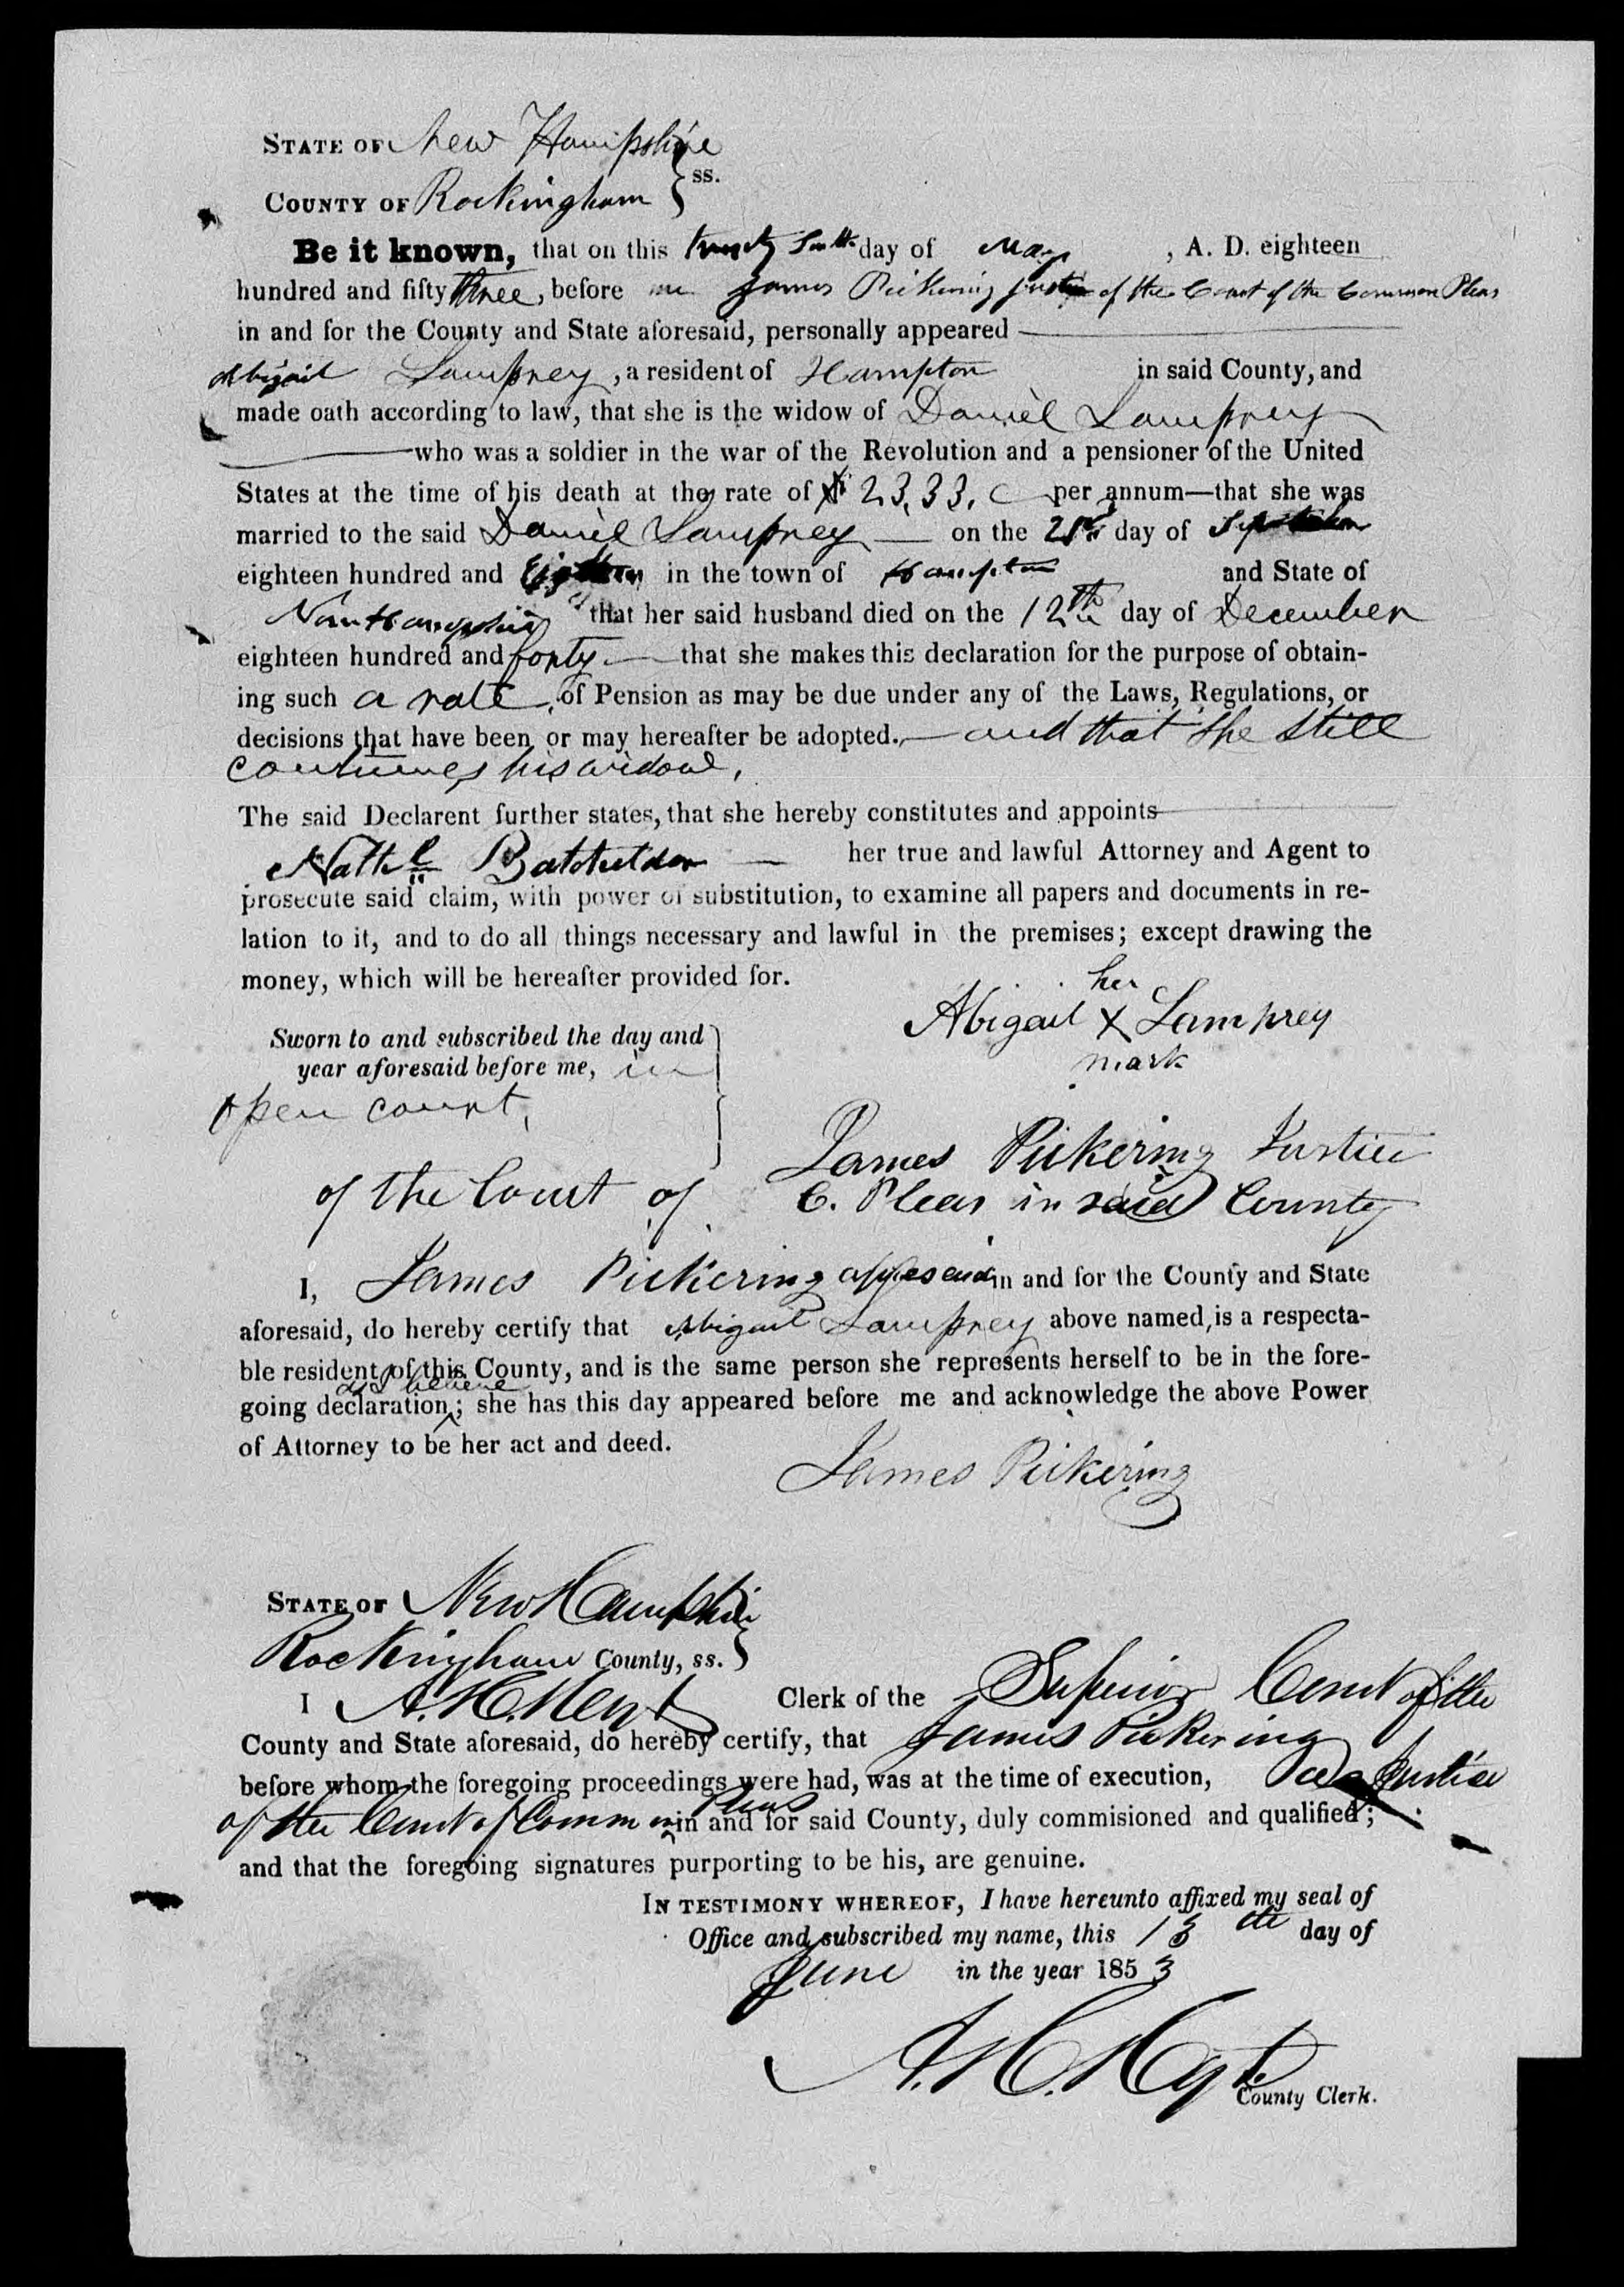State of New Hampshire County of Rockingham} ss.
Be it known that on this twenty sixth day of May, A.D. eighteen hundred and fifty three before me James Pickering Justice for the Court of Common Pleas in and for the County and State aforesaid, personally appeared Abigail Lamprey, a resident of Hampton in said County, and made oath according to law, that she is the widow of Daniel Lamprey who was a soldier in the war of the Revolution and a pensioner of the United States at the time of his death at the rate of $23.33 per annum- that she was married to the said Daniel Lamprey on the 25th day of September eighteen hundred and eighteen in the town of Hampton and State of New Hampshire that her said husband died on the 12th day of December eighteen hundred and forty that she makes this declaration for the purpose of obtaining a rate of pension as may be due under any of the Laws, Regulations, or decisions that have been or may hereafter be adopted. and that she still continues his widow.
The said Declarant further states, that she hereby constitutes and appoints Nathl  [NATHANIEL] Batchelder her true and lawful Attorney and Agent to prosecute said claim, with power of substitution, to examine all papers and documents in relation to it, and to do all things necessary and lawful in the premises; except drawing the money, which will be hereafter provided for.
Abigail her X mark Lamprey
Sworn to and subscribed the day and year aforesaid before me, in open court,} James Pickering Justice of the Court of C. [COMMON] Pleas in said County
I, James Pickering aforesaid in and for the County and State aforesaid, do hereby certify that Abigail Lamprey above named, is a Responsible resident of this County, and is the same person she represents herself to be in the foregoing declaration; and I believe she has this day appeared before me and acknowledge the above Power of Attorney to be her act and deed.
James Pickering

State of New Hampshire Rockingham County ss.} I, A.C. Heyt Clerk of the Superior Court of the County and State aforesaid, do hereby certify that James Pickering before whom the foregoing proceedings were had, was at the time of execution, a justice of the Court of Common Pleas in and for said County, duly commissioned and qualified; and that the foregoing signatures purporting to be his, are genuine.
In Testimony Whereof, I have hereunto affixed my seal of Office and subscribed my name, this 13th day of June in the year 1853
A.C. Heyt County Clerk.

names: Daniel Lamprey; Abigail Lamprey; Nathl Batchelder; James Pickering; A H Heyt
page: 9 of 53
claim: widow's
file: W. 492, for Daniel Lamprey, New Hampshire